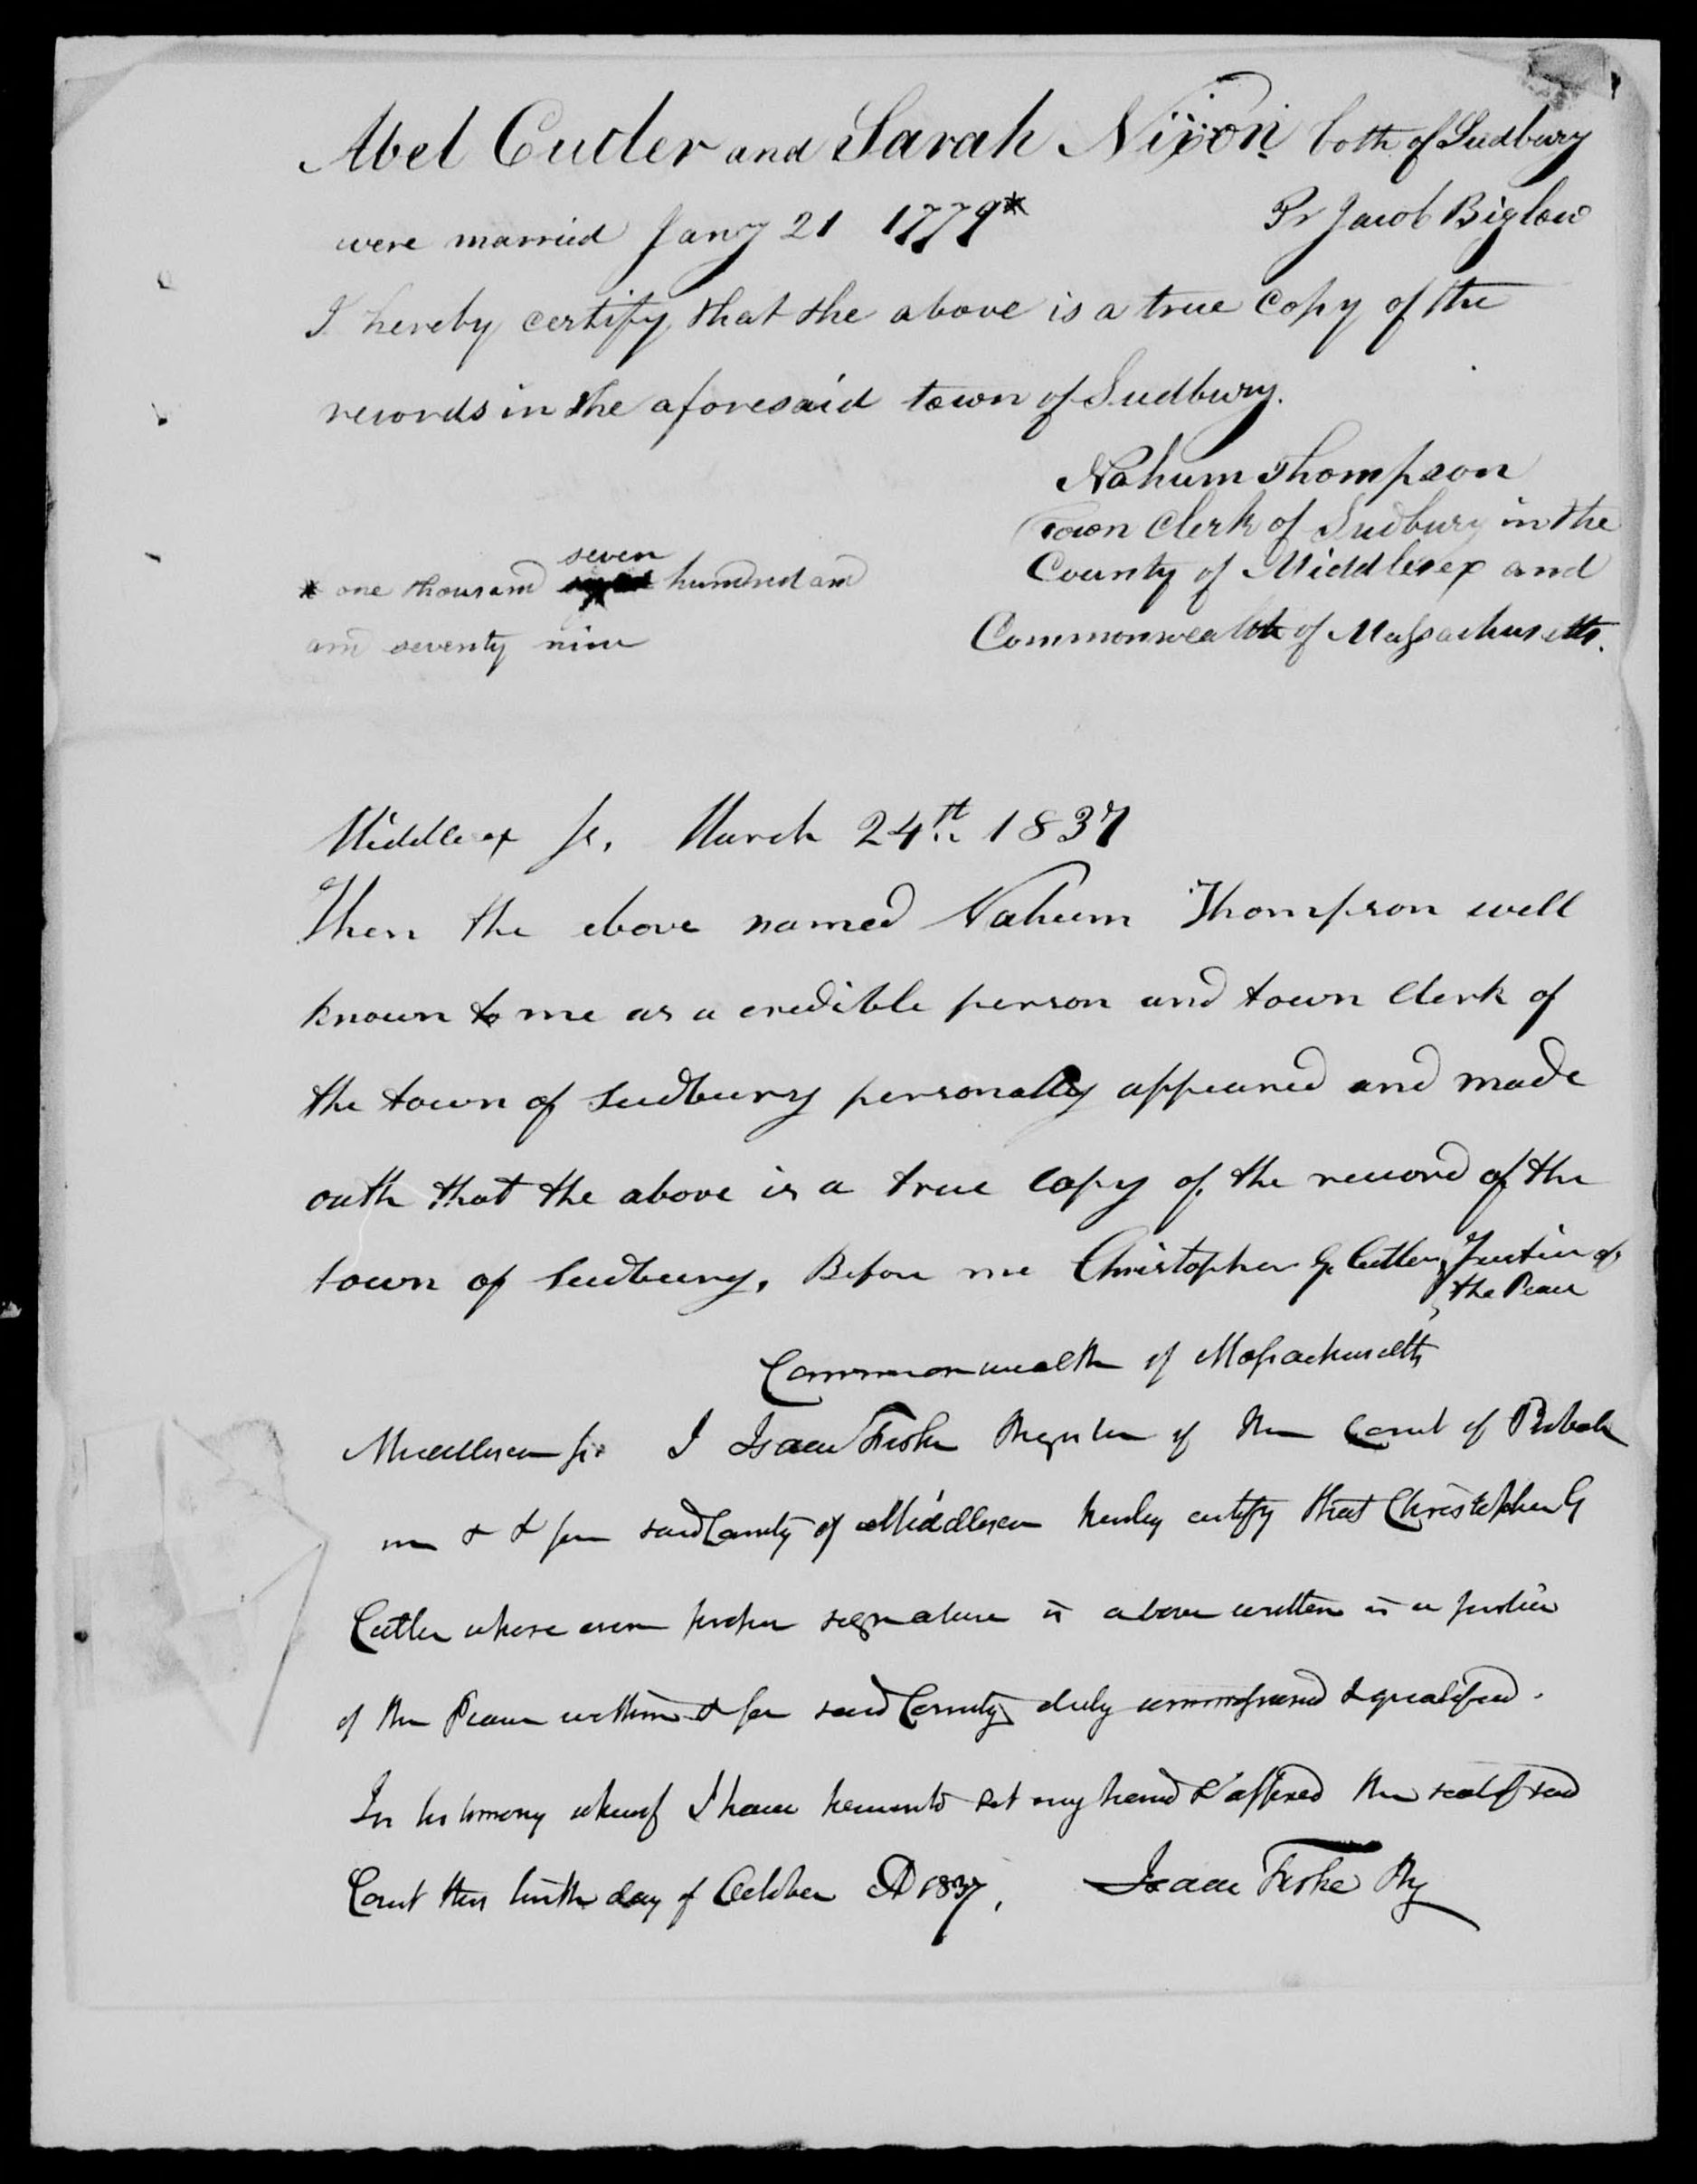Middlesex, March 24, 1837
Then the above named Nahum Thompson well known to me as a credible person and town clerk of the town of Sudbury personally appeared and made oath that the above is a true copy of the record of the town of Sudbury, before me
Christopher G. cutler, Justice of the Peace
Commonwealth of Massachusetts
Middlesex; I, Isaac Fiske, magistrate of the court of Probate in and for said County of Middlesex, hereby certify that Christopher G. Cutler whose [illegible] signature in above written is a justice of the Peace within and for said county duly commissioned and qualified. In testimony whereof I have hereunto set my hand and affixed the seal of said court theis 10th day of October AD 1837. Isaac Fiske, Ny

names: Sarah Nixon, Nahum Thompson, Nahum Thompson, Isaac Feske, Jacob Biglow, Abel Cutler, Christopher G Cutler, Isaac Feske, Christopher G Cutler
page: 7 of 22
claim: widow's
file: W. 14,552, Abel Cutler, Mass.